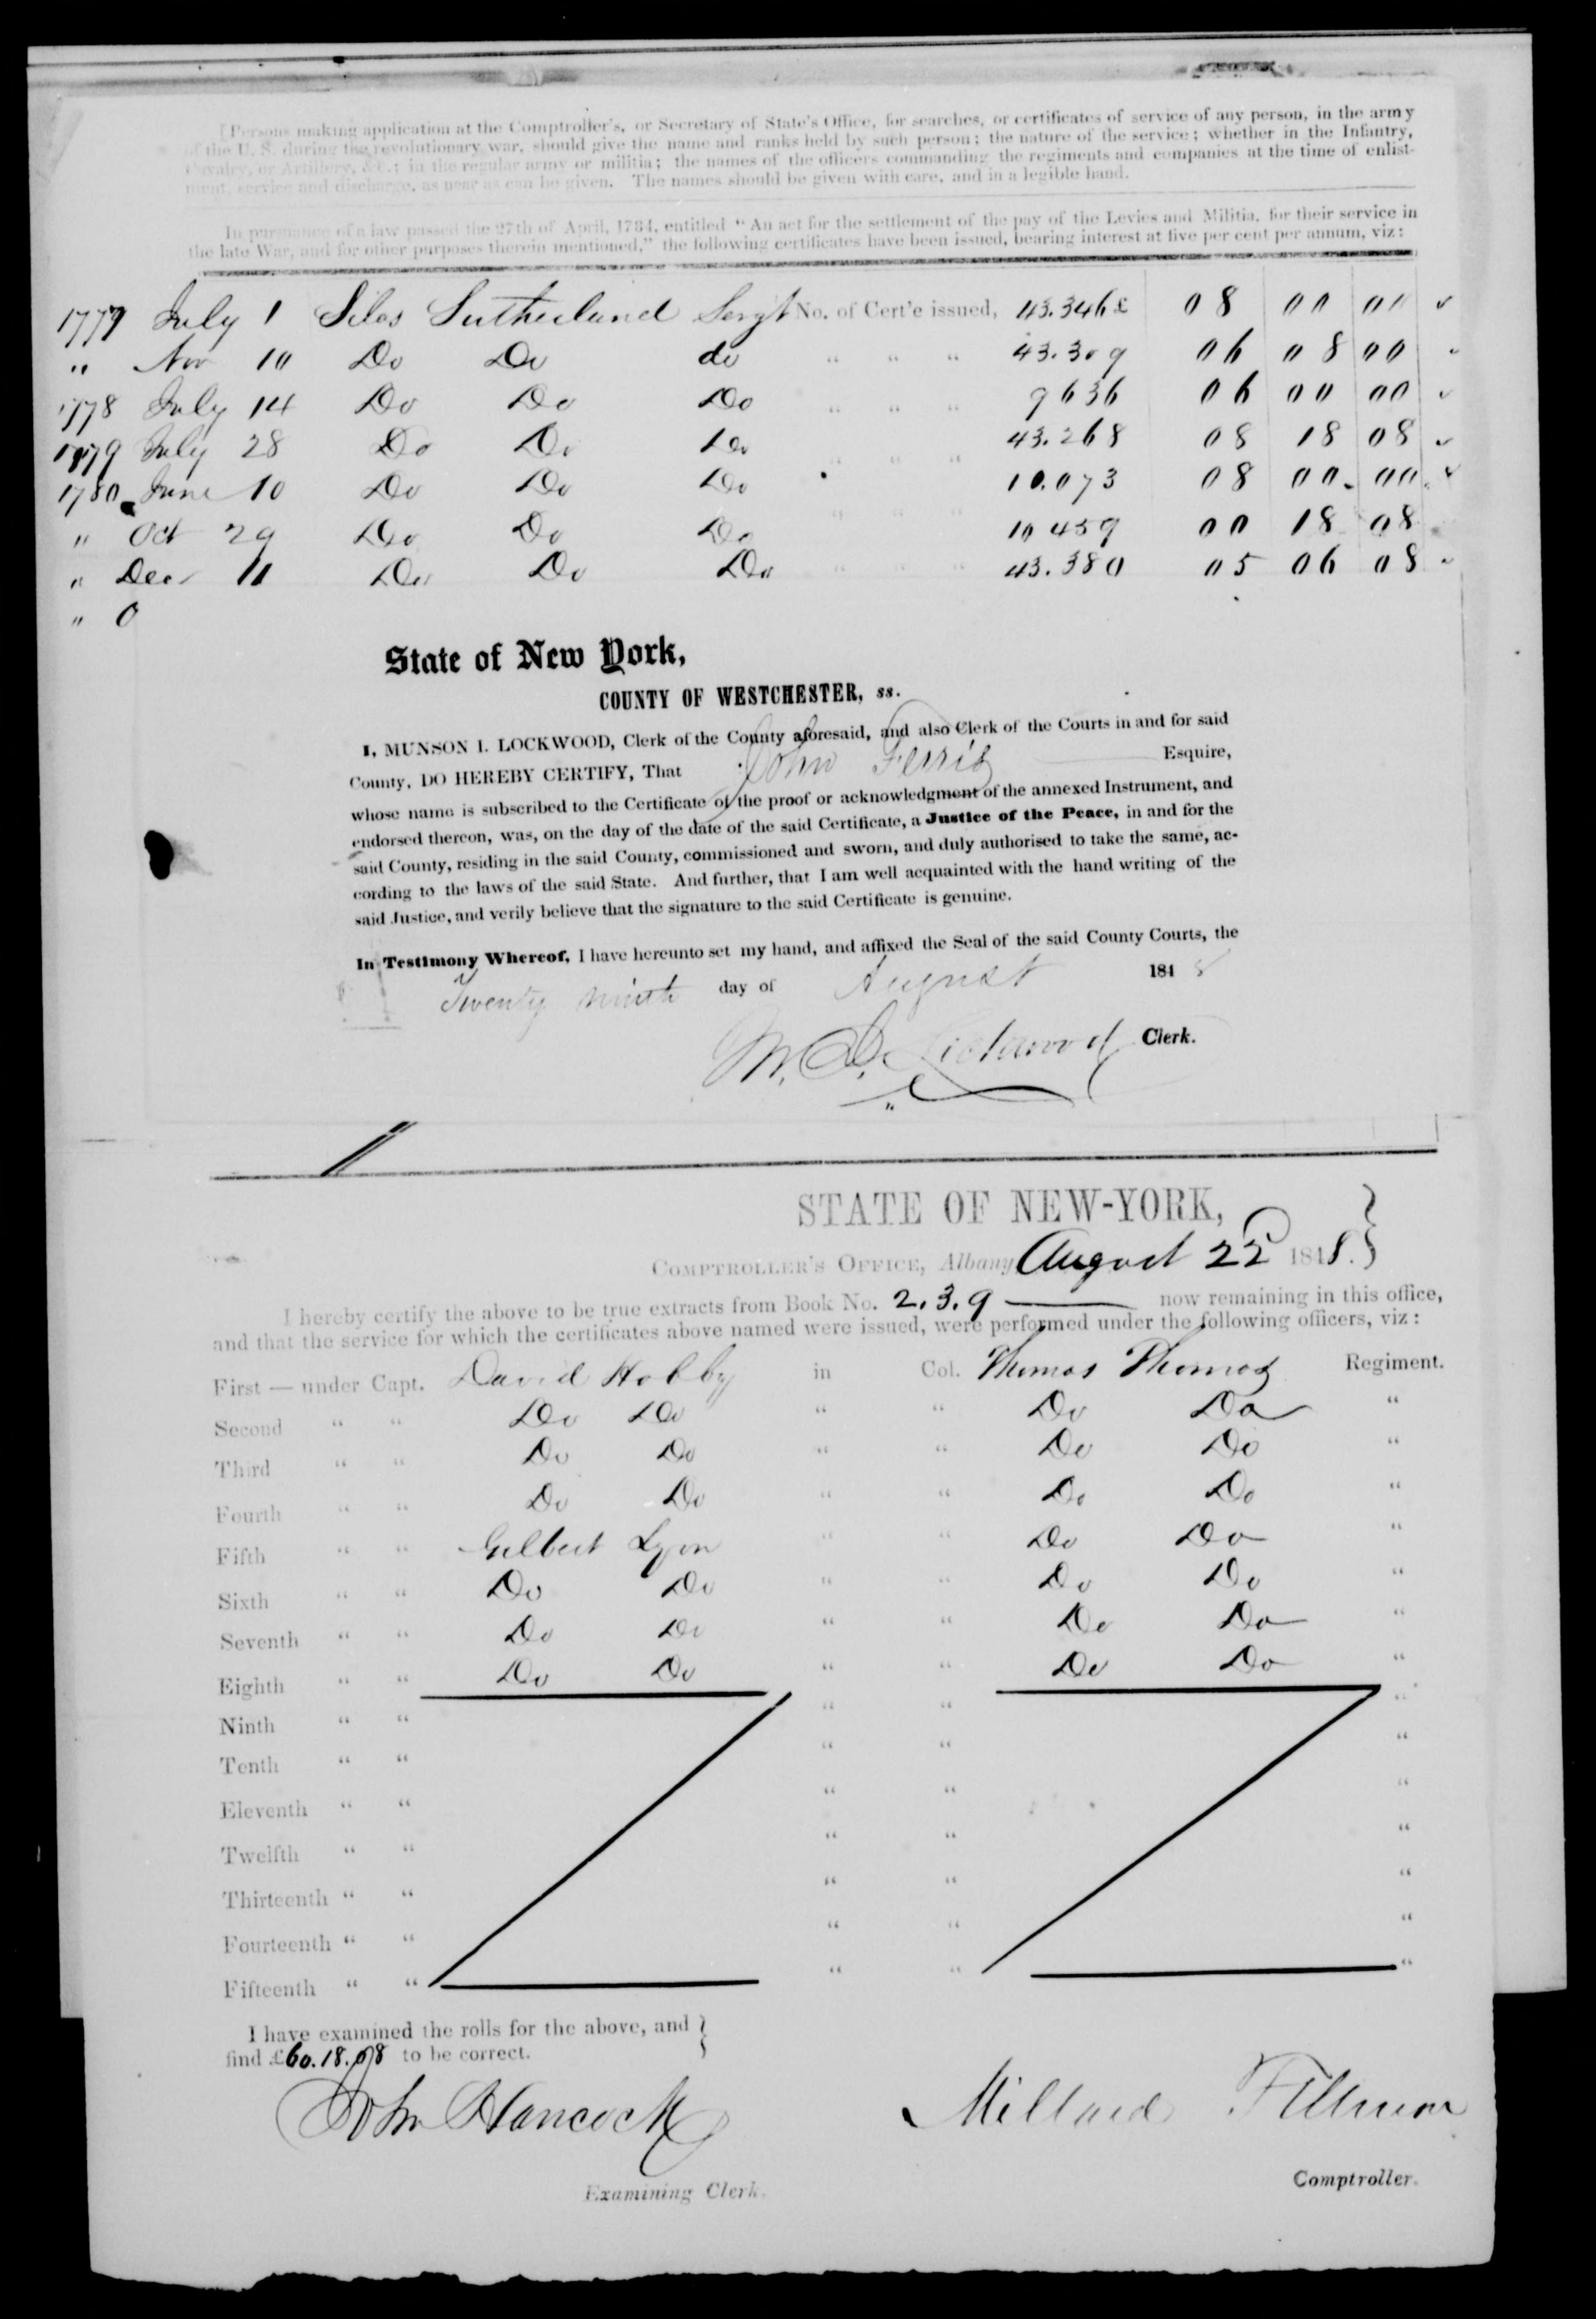[Persons making application at the Comptroller's, or Secretary of State's Office, for searches, or certificates of service of any person, in the army of the U.S. during the revolutionary war, should give the name and ranks held by such person; the nature of the service; whether in the Infantry, Cavalry, or Artillery, &c.; in the regular army or militia; the names of the officers commanding the regiments and companies at the time of enlistment, service and discharge, as near as can be given.  The names should be given with care, and in a legible hand.  

In pursuance of a law passed the 27th of April, 1784, entitled "An act for the settlement of the pay of the Levies and Militia, for their service in the late War, and for other purposes therein mentioned," the following certificates have been issued, bearing interest at five per cent per annum, viz:  

1777 July 1 Silas Sutherland Sergt No. of Cert'e issued, 43.346 £ 08 00 00
" Nov 10 Do Do do " " " 43.309 06 08 00
1778 July 14 Do Do Do " " " 9636 06 00 00
1779 July 28 Do Do Do " " " 43.268 08 18 08
1780 June 10 Do Do Do " " " 10.073 08 00 00
" Oct 29 Do Do Do " " " 10 459 00 18 08
" Dec 11 Do Do Do " " " 43.380 05 06 08
[Remainder cut off by overlapping paper]

State of New York, 
COUNTY OF WESTCHESTER, ss.

I, MUNSON I. LOCKWOOD, Clerk of the County aforesaid, and also Clerk of the Courts in and for said County, DO HEREBY CERTIFY, That John Ferris Esquire, whose name is subscribed to the Certificate of the proof or acknowledgment of the annexed Instrument, and endorsed thereon, was, on the day of the date of the said Certificate, a Justice of the Peace, in and for the said County, residing in the said County, commissioned and sworn, and duly authorised to take the same, according to the laws of the said State.  And further, that I am well acquainted with the hand writing of the said Justice, and verily believe that the signature to the said Certificate is genuine.  

In Testimony Whereof, I have hereunto set my hand, and affixed the Seal of the said County Courts, the Twenty ninth day of August 1848

M. I. Lockwood Clerk.

STATE OF NEW-YORK, 
COMPTROLLER'S OFFICE, Albany August 22nd 1848. } 

I hereby certify the above to be true extracts from Book No. 2.3.9 now remaining in this office, and that the service for which the certificates above named were issued, were performed under the following officers, viz:  

First -- under Capt. David Hobby in Col. Thomas Thomas' Regiment.  
Second " " Do Do " " Do Do "
Third " " Do Do " " Do Do "
Fourth " " Do Do " " Do Do "
Fifth " " Do Do " " Do Do "
Sixth " " Do Do " " Do Do "
Seventh " " Do Do " " Do Do "
Eighth " " Do Do " " Do Do "
Ninth " " - - ' " - - " 
Tenth " " - - ' " - - " 
Eleventh " " - - ' " - - " 
Twelfth " " - - ' " - - " 
Thirteenth " " - - ' " - - " 
Fourteenth " " - - ' " - - " 
Fifteenth " " - - ' " - - " 

I have examined the rolls for the above, and find £ 60.18.08 to be correct.  } 

John Hancock, Examining Clerk.

Millard Fillmore, Comptroller.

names: Millard Tillmon; Silas Sutherland; David Hobby; Gilbert Lyon; John Ferris; M I Lockwood; Munson I Lockwood; John Hancock; Thomas Thomas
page: 27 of 77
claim: survivor's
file: S. 23003, for Silas Southerland, New York